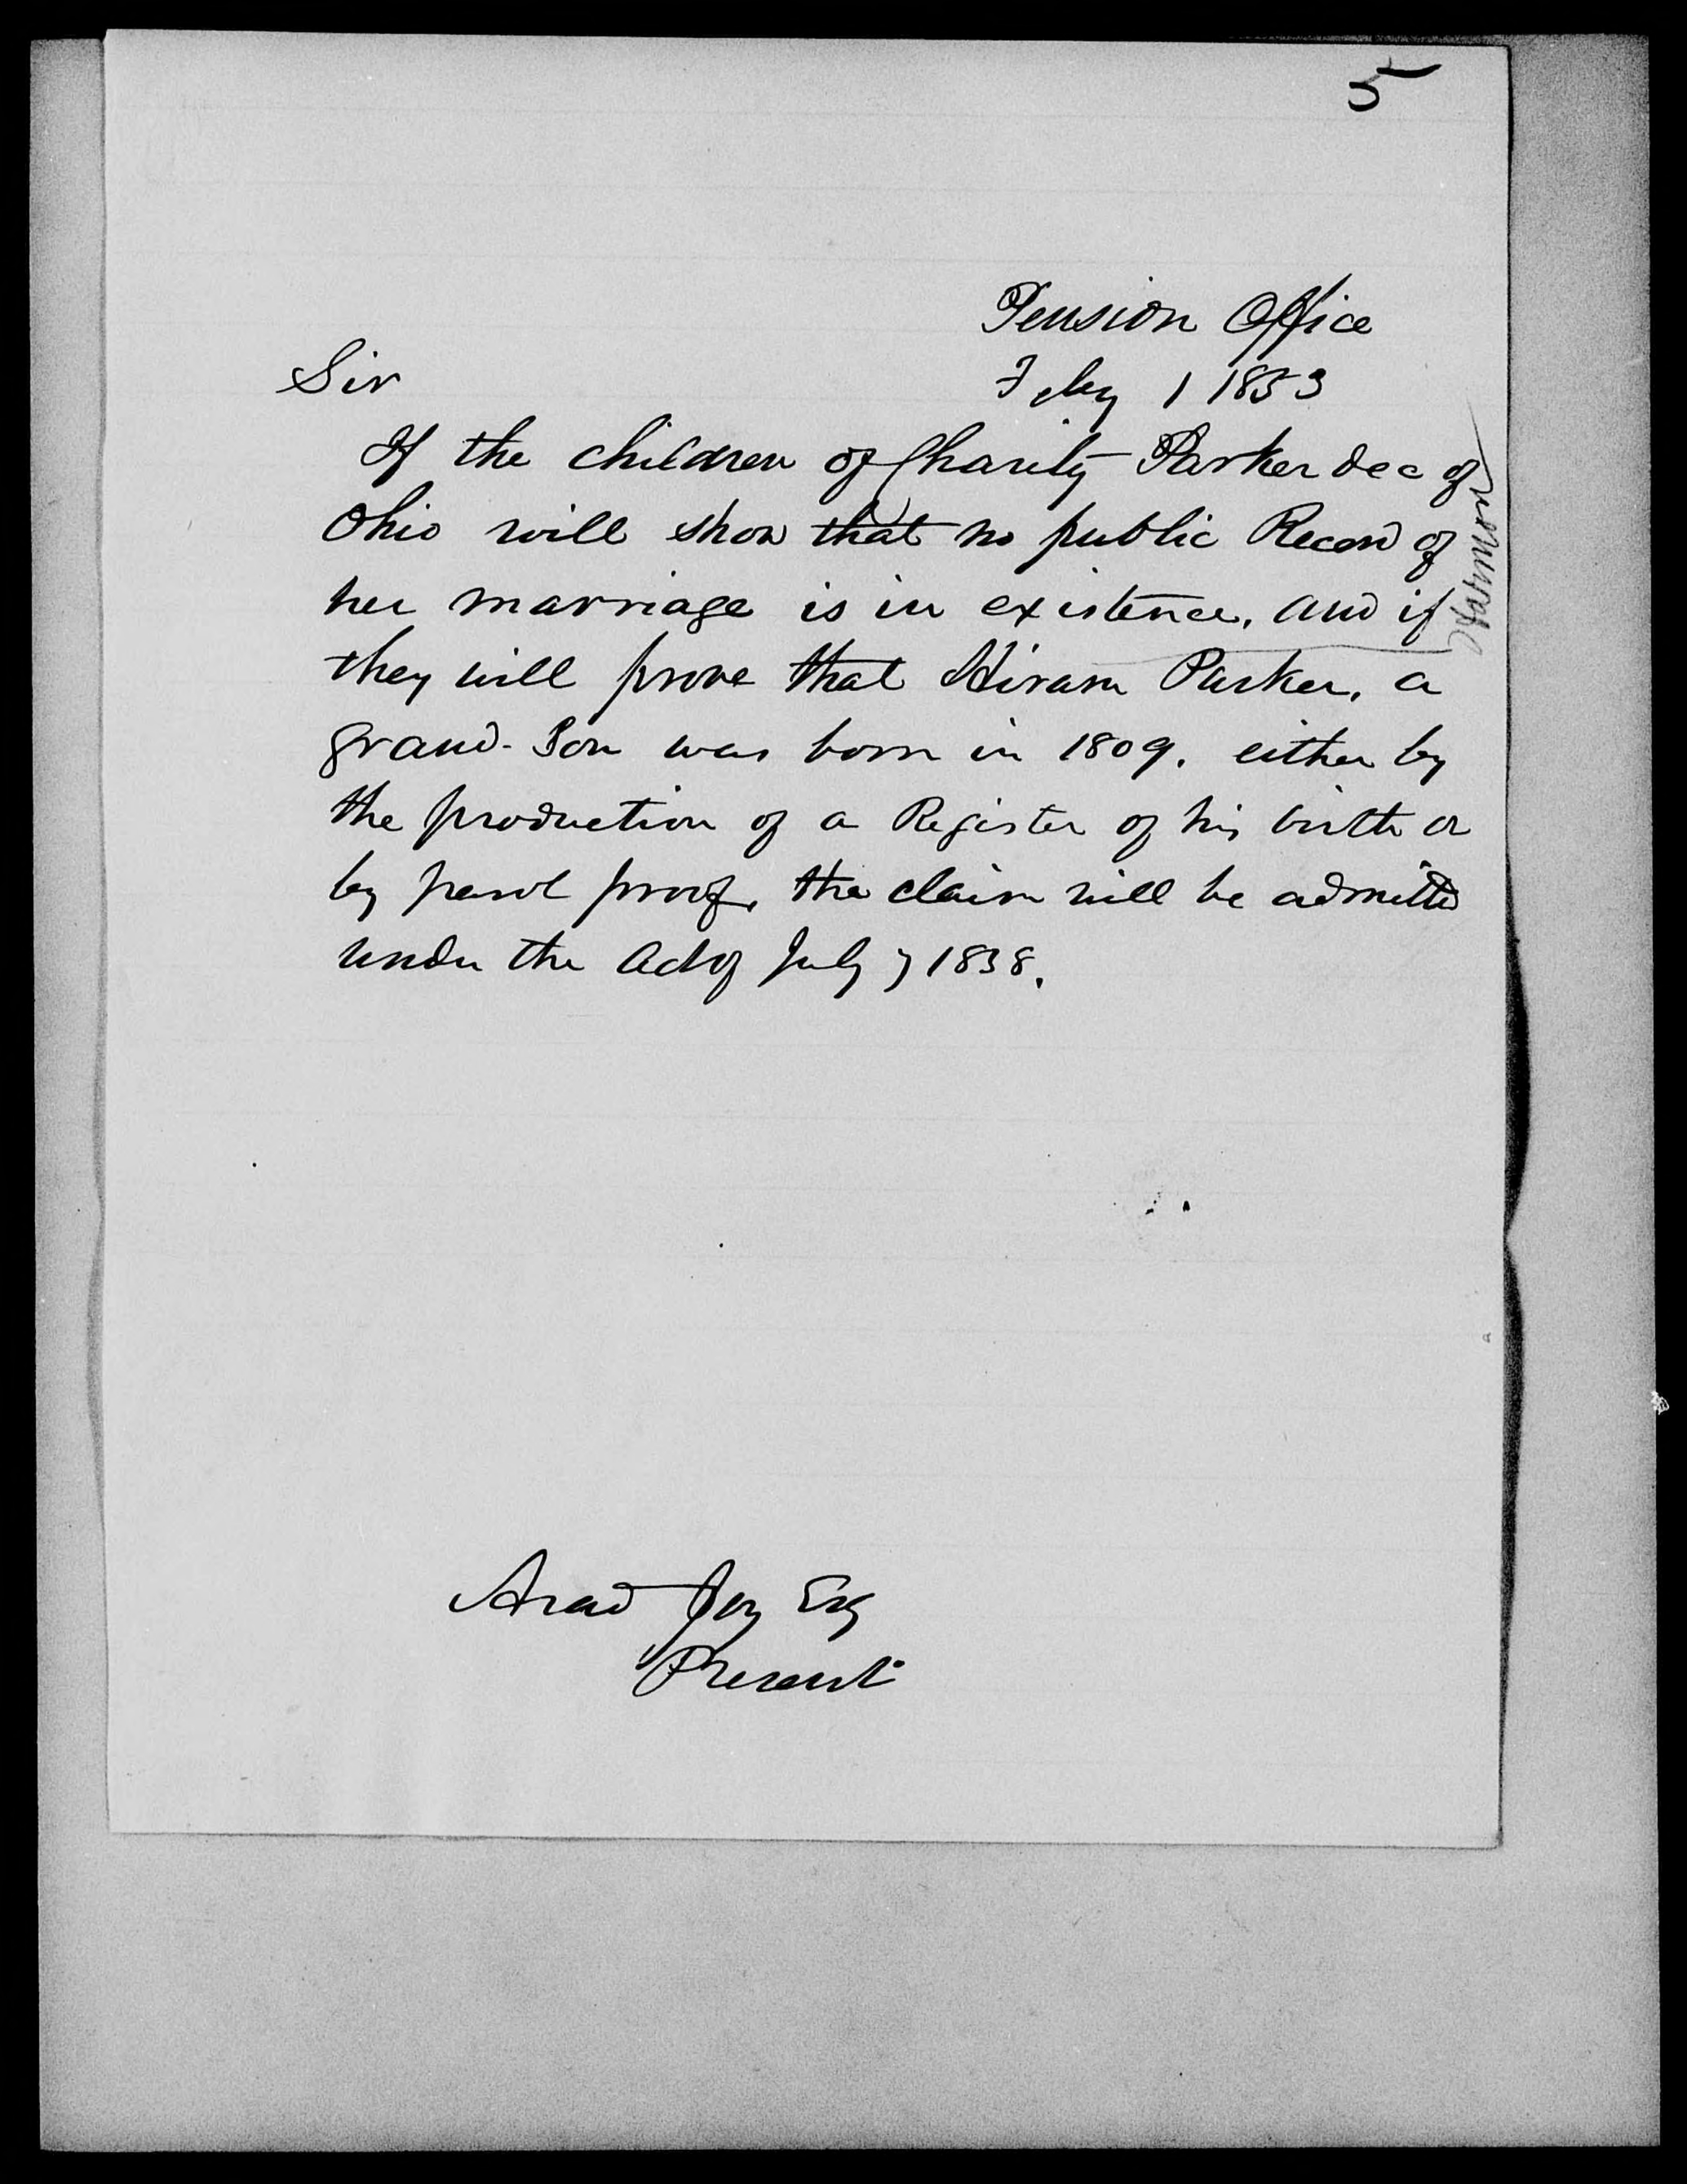5

Pension Office
July 1, 1853

Sir
If the children of Charity Parker dec. of Ohio will show that no public Record of her marriage is in existence, and if they will prove that Hiram Parker, a grand son was born in 1809, either by the production of a Register of his birth or by [illegible] proof, the claim will be admitted under that Act July 7 1838.

Arad Joy Esq.
Present

[A handwritten correction is on the letter noting that the grandson's name is Harmon, not Hiram.]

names: Hiram Parker; Charity Parker; Harmon [BLANK]; Arad Joy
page: 28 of 40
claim: widow's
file: W. 3,588, for John Parker, Pennsylvania